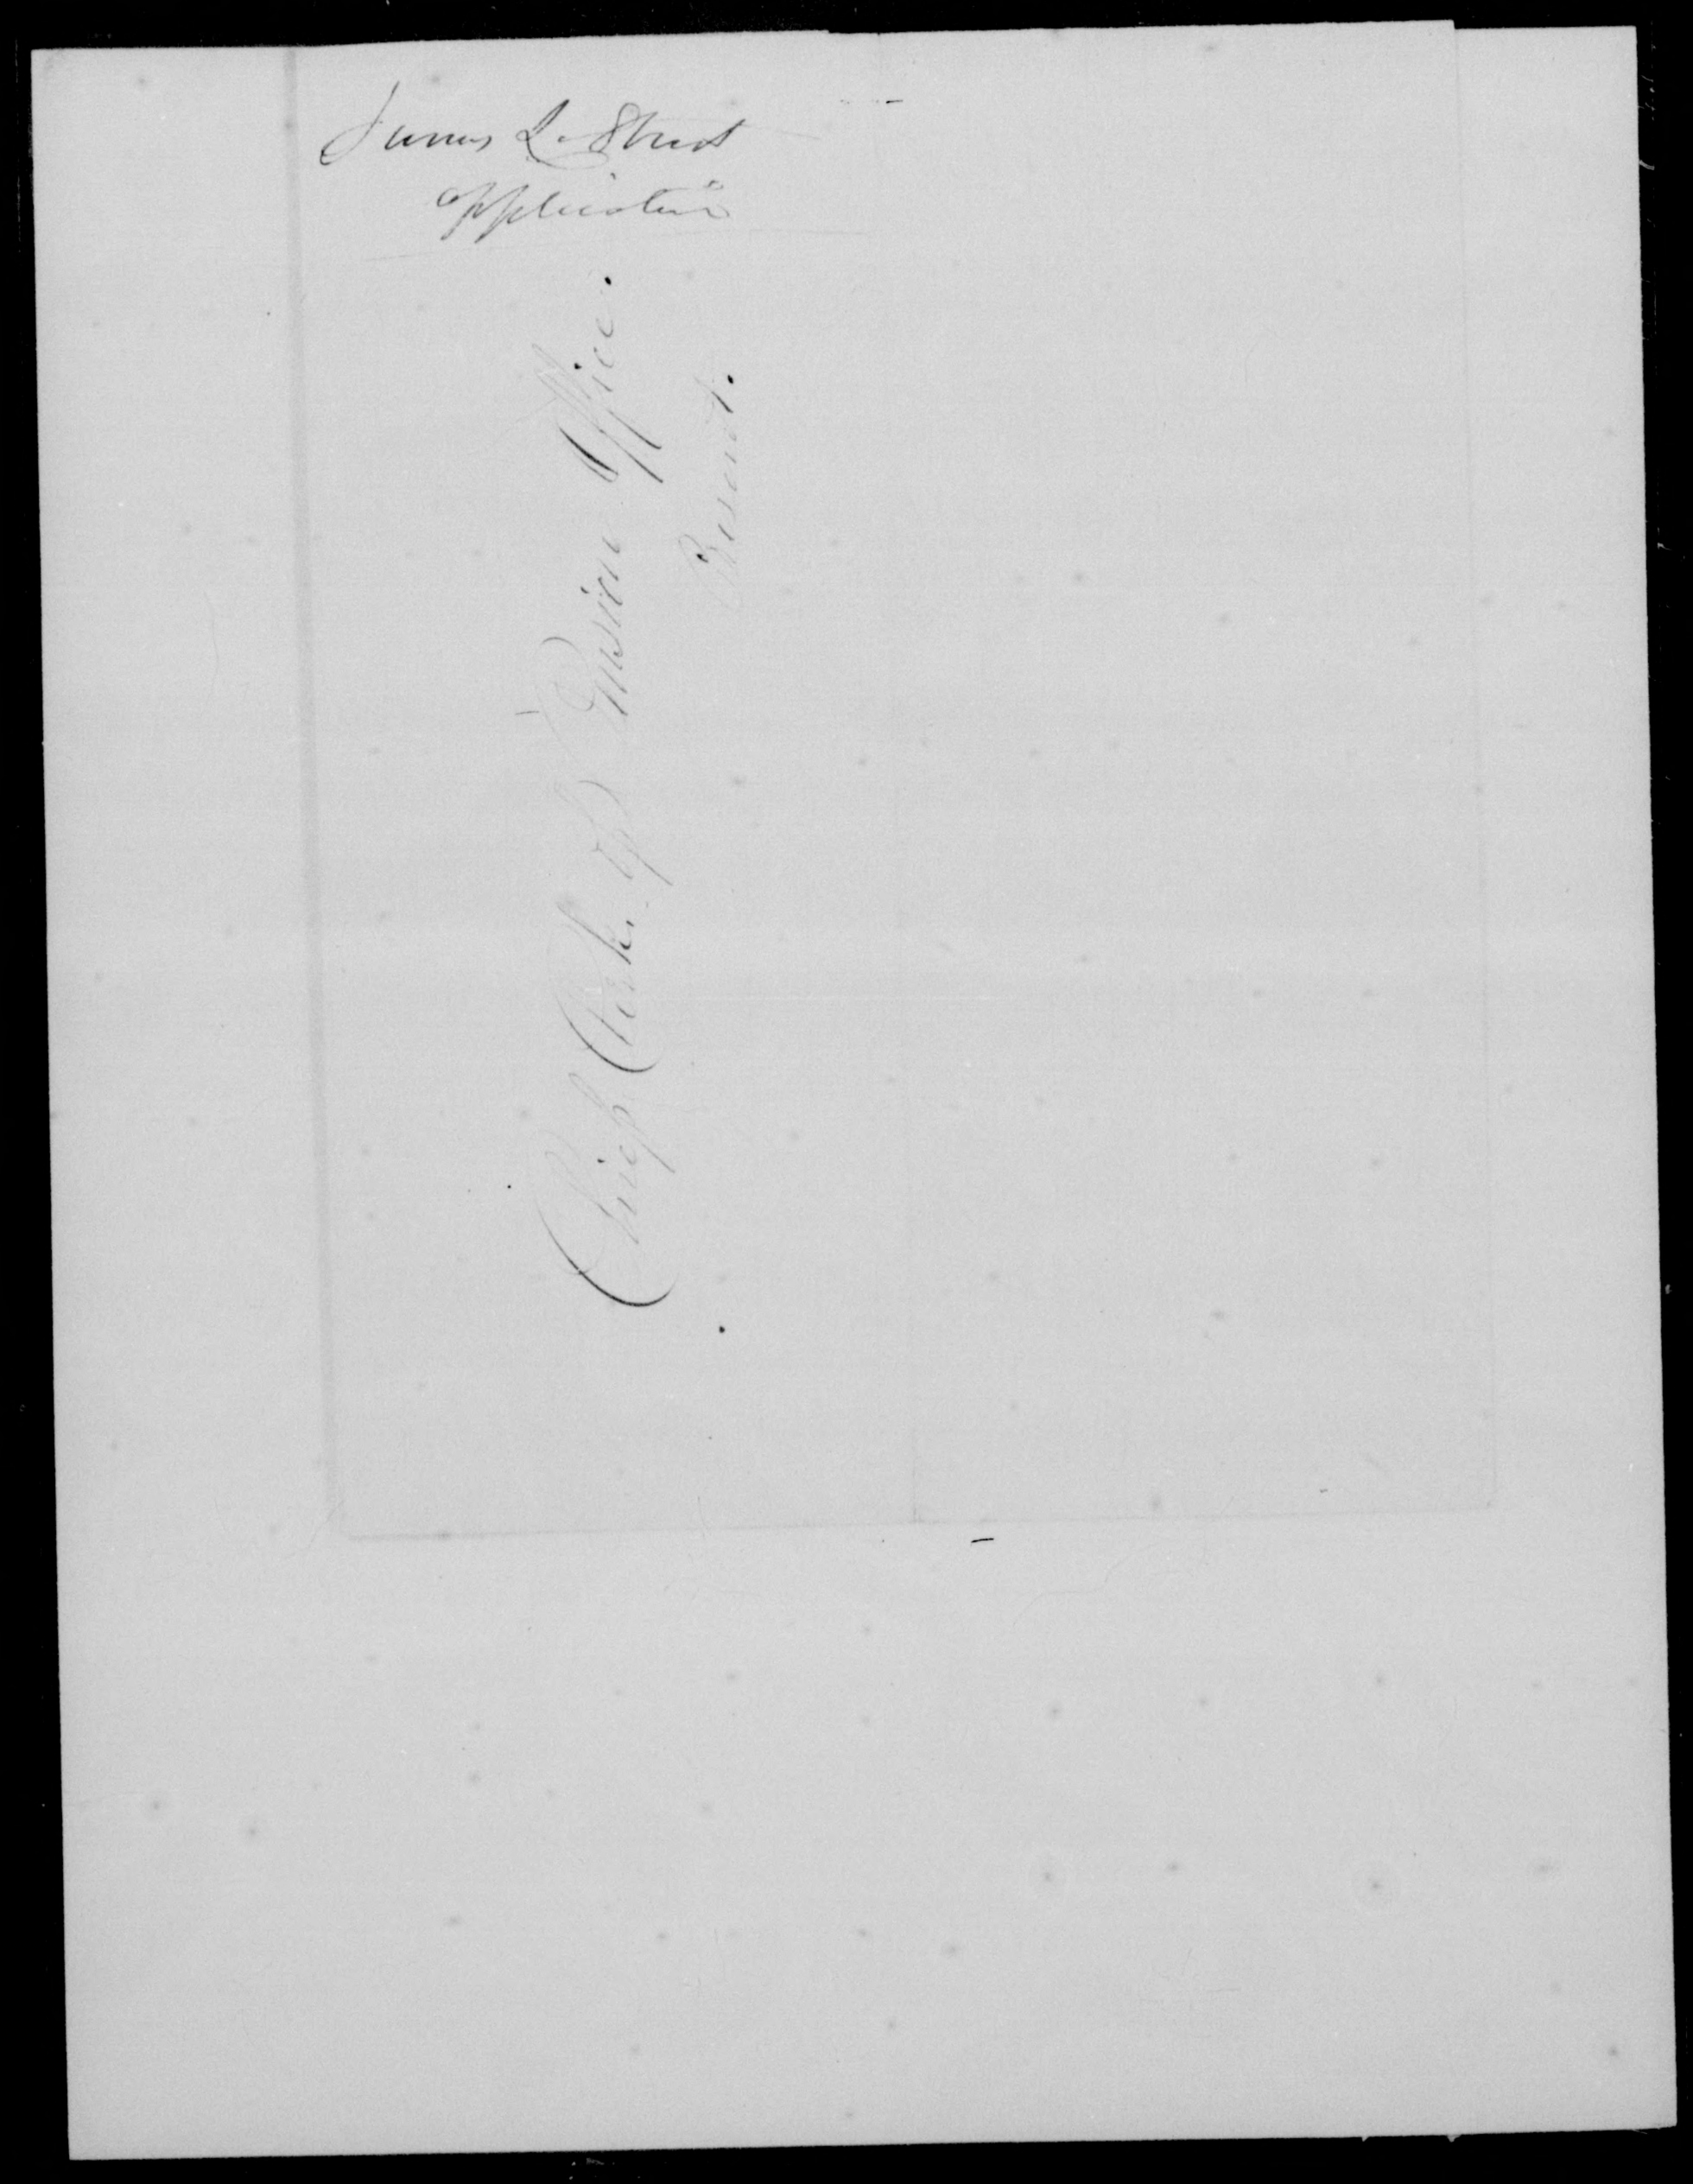James L. Street
application

Philp Perks of Pension Office
Besant.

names: James L Street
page: 21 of 33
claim: rejected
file: R. 5603, for Nathan Spicer, New York